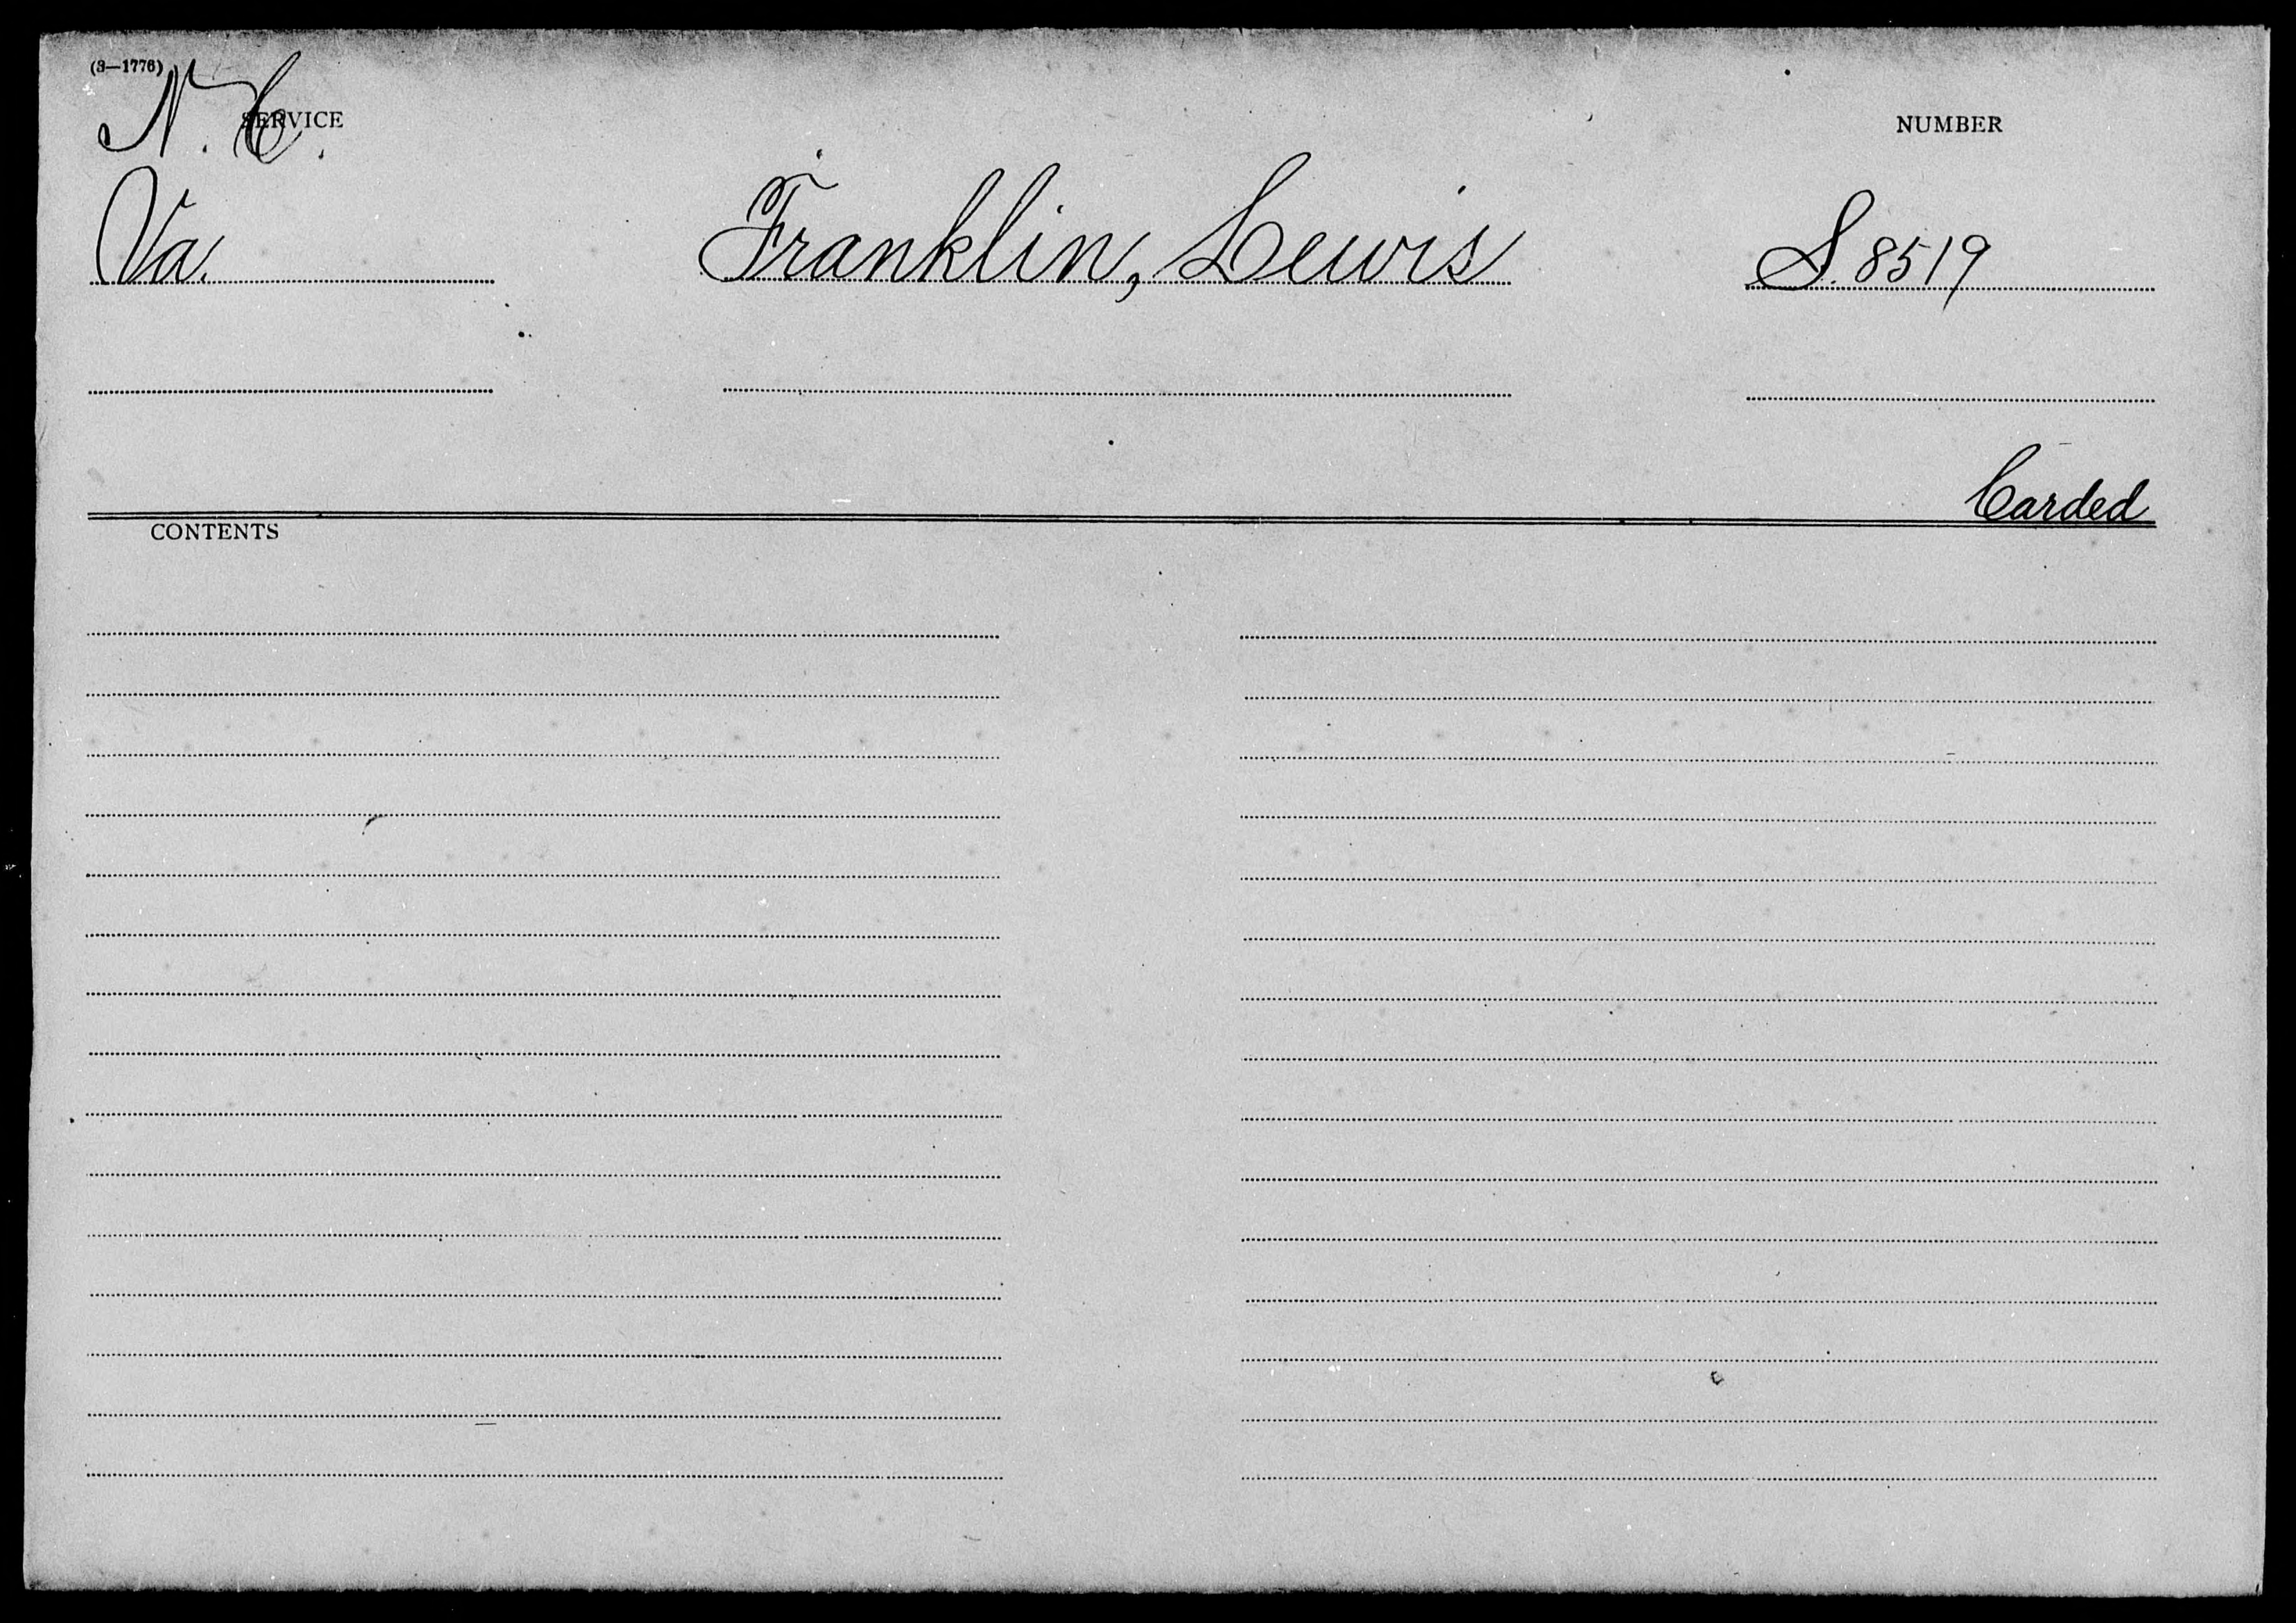Service: [handwritten]N.C. 
Va. Franklin, Lewis [/handwritten] Number [handwritten] S. 8519
Carded [/handwritten]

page: 1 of 20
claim: survivor's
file: S. 8519, Lewis Franklin, N.C. Va.